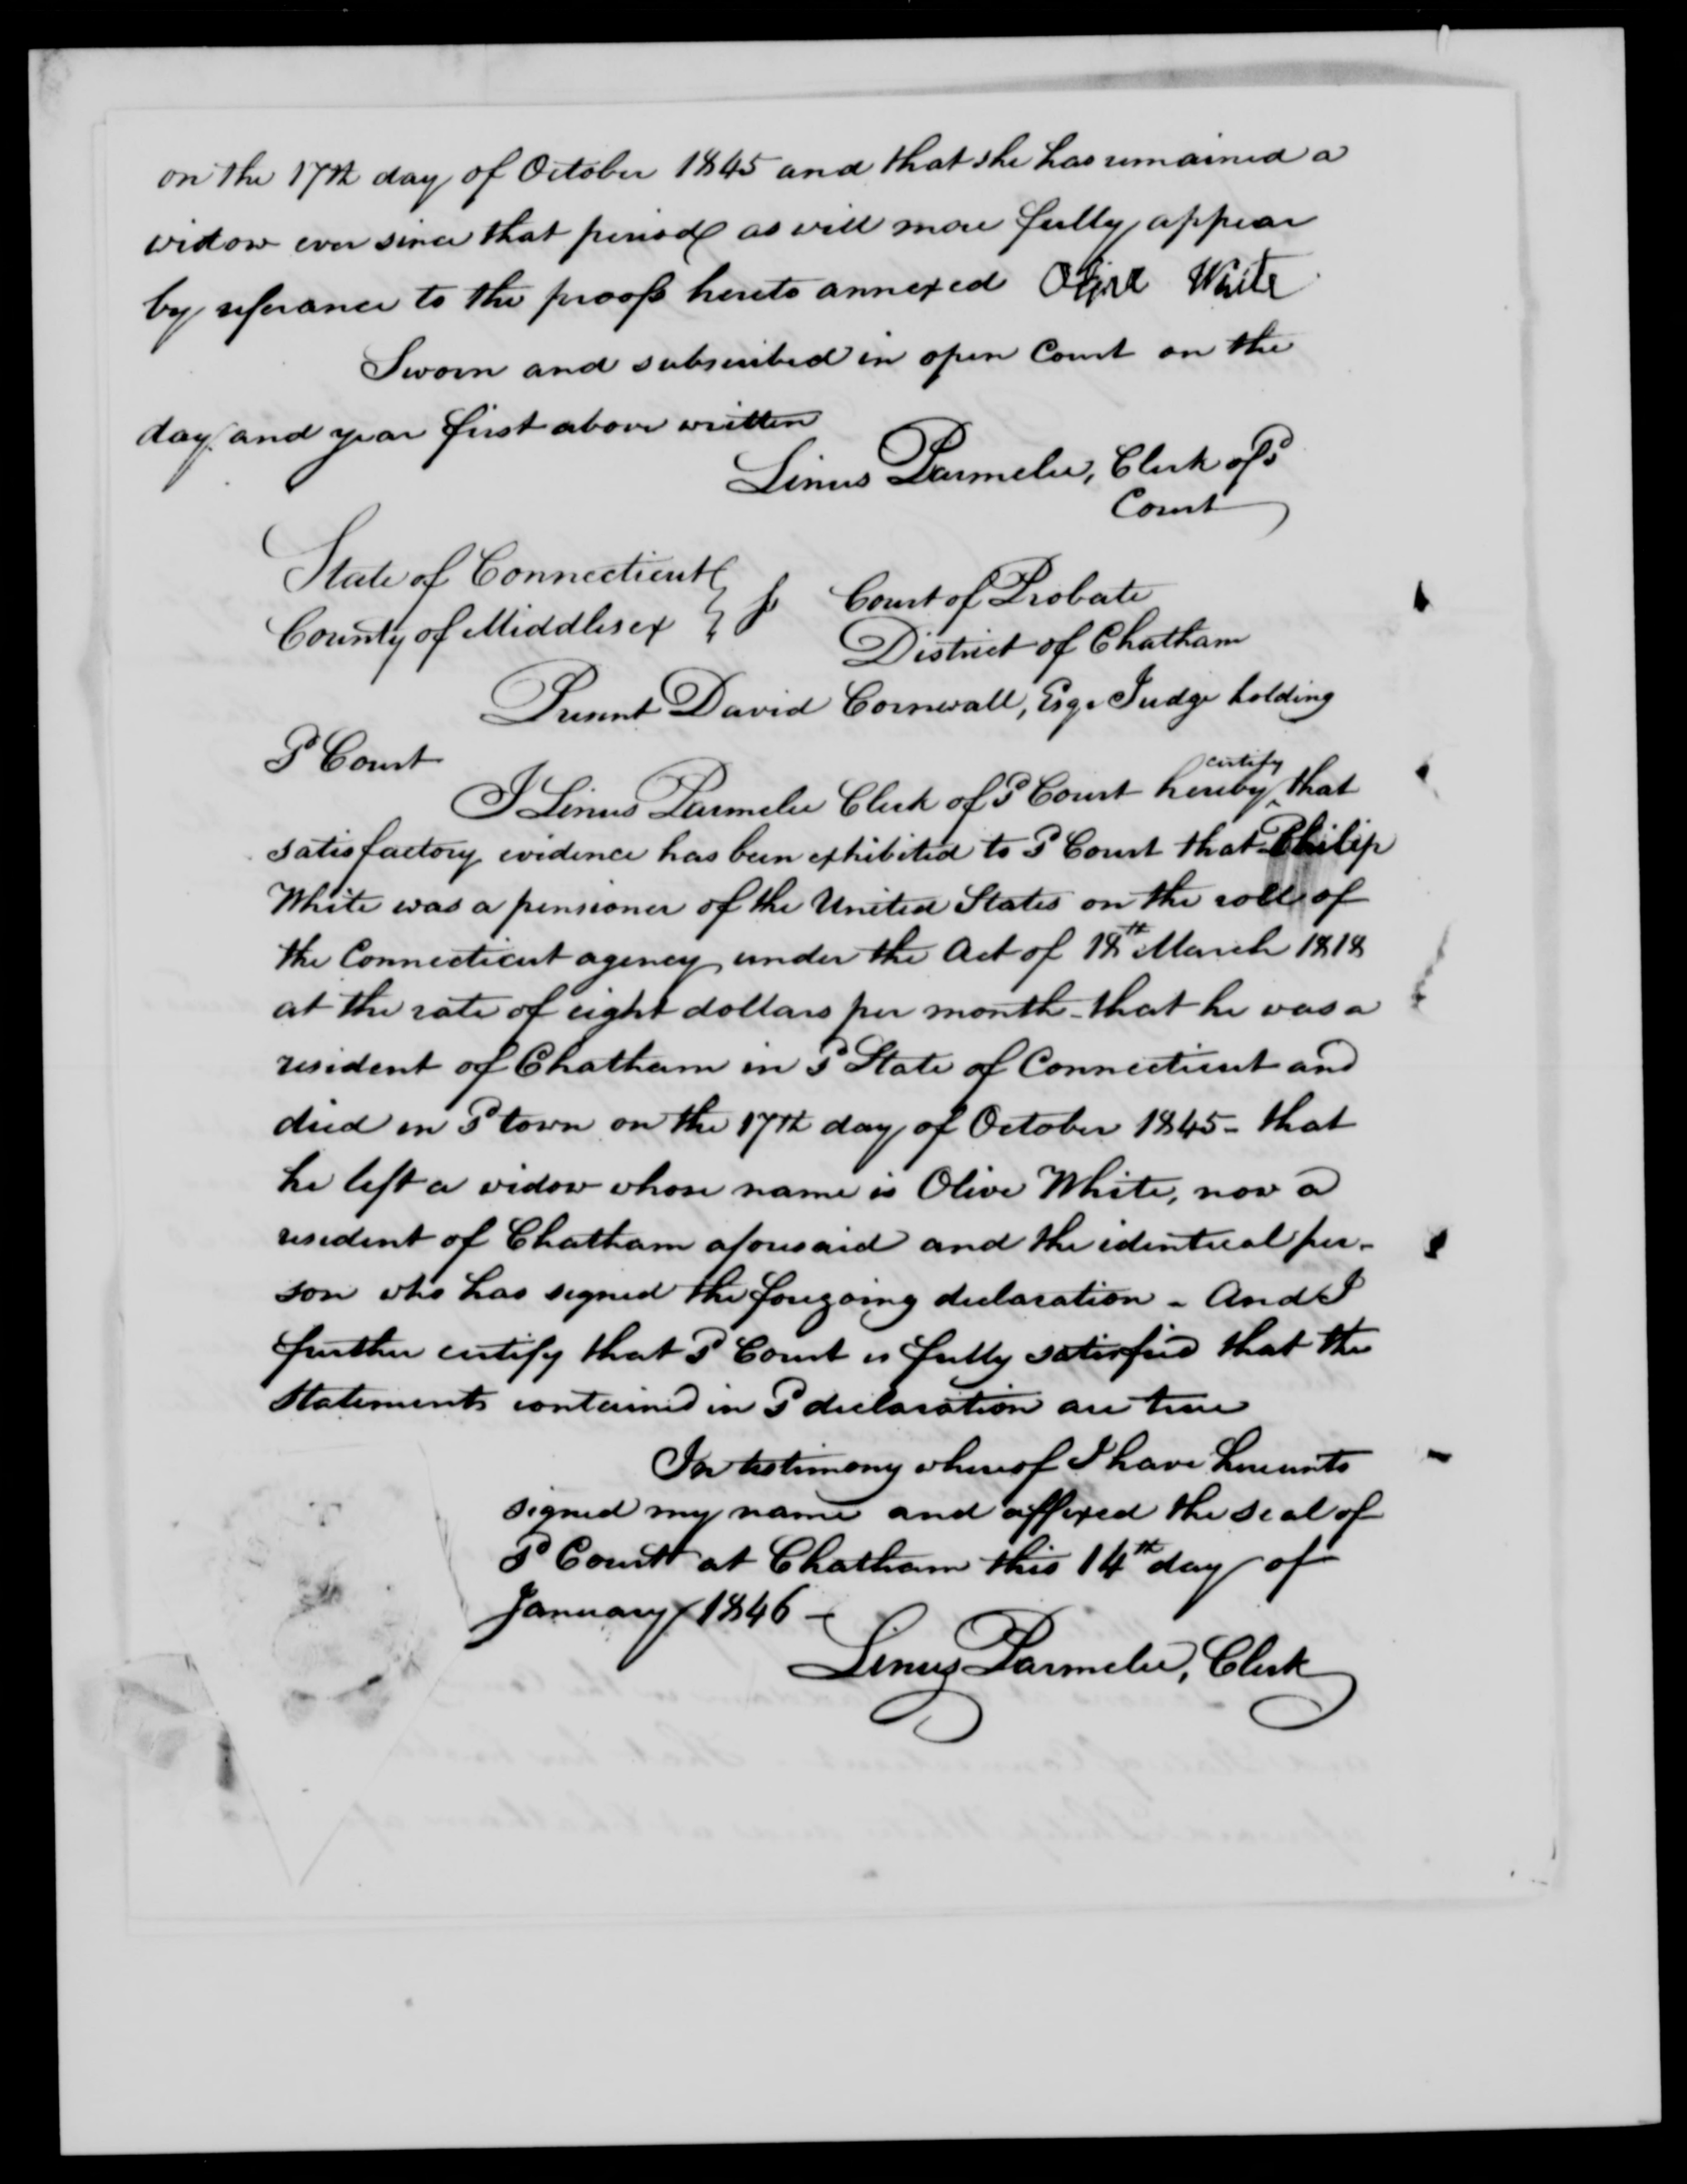on the 17th day of October 1845 and that she has remained a
widow ever since that period as will more fully appear
by referance to the proof hereto annexed 
Olive White
Sworn and subscribed in open Court on the
day and year first above written
Linus Parmelee, Clerk of
Court

State of Connecticut
County of Middlesex} Ss Court of Probate
District of Chatham
Present David Cornwall, Esq. Judge holding
Sd Court
I Linus Parmelee Clerk of Court hereby [inserted:] certify that
satisfactory evidence has been exhibited to sd Court that Philip
White was a pensioner of the United States on the roll of
the Connecticut agency under the act of 18th March 1818
at the rate of eight dollars per month - that he was a
resident of Chatham in sd State of Connecticut and
died in sd town on the 17th day of October 1845 - that
he left a widow whose name is Olive White, now a
resident of Chatham aforesaid and the identical person
who has signed the foregoing declaration. And I
further certify that sd Court is fully satisfied that the
statements contained in sd declaration are true
In testimony whereof I have hereunto
signed my name and affixed the seal of
Court at Chatham this 14th day of
January 1846 _
James Parmelee, Clerk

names: Olive White, Philip White, David Cornwall, Linus Parmelee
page: 18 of 50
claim: widow's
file: W. 25,969, Philip White, Conn.